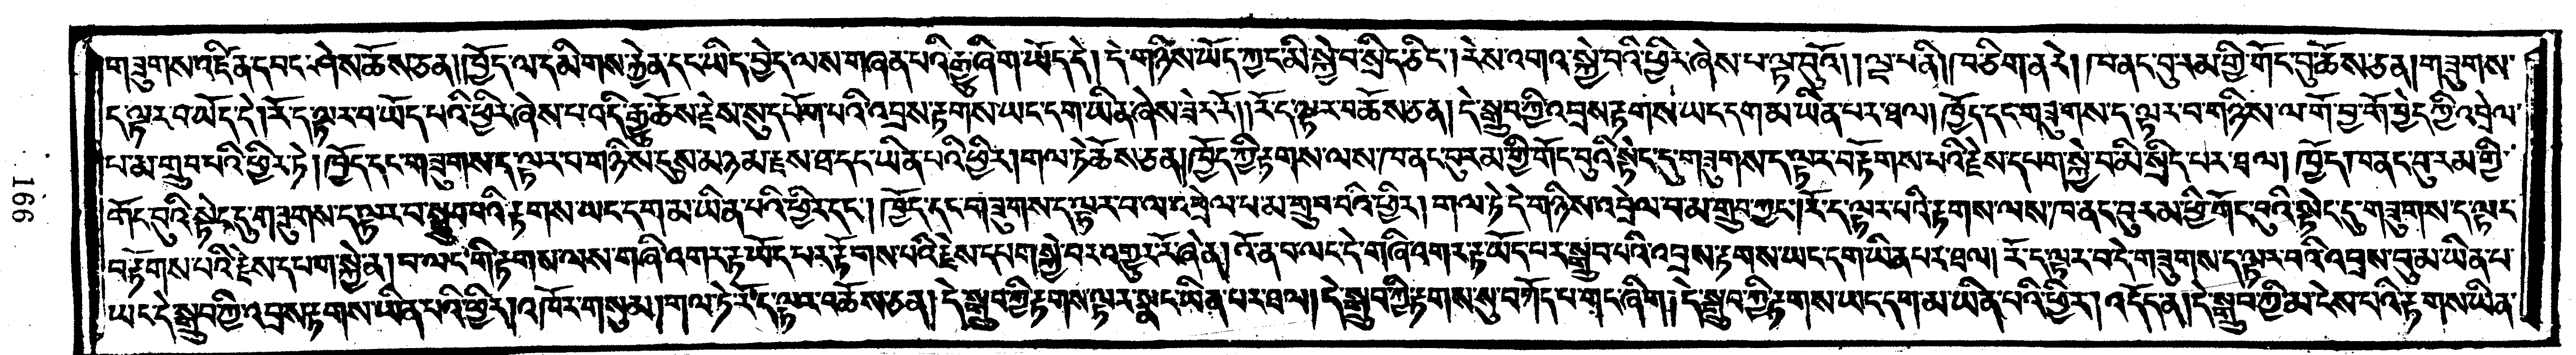གཟུགས་འཛིན་དབང་ཤེས་ཆོས་ཅན། ཁྱོད་ལ་དམིགས་རྐྱེན་དང་ཡིད་བྱེད་ལས་གཞན་པའི་རྒྱུ་ཞིག་ཡོད་དེ། དེ་གཉིས་ཡོད་ཀྱང་མི་སྐྱེ་བ་སྲིད་ཅིང་། རེས་འགའ་སྐྱེ་བའི་ཕྱིར་ཞེས་པ་ལྟ་བུའོ། །ལྔ་པ་ནི། ཁ་ཅིག་ན་རེ། ཁ་ནང་བུ་རམ་གྱི་གོང་བུ་ཆོས་ཅན། གཟུགས་
ད་ལྟར་བ་ཡོད་དེ། རོ་ད་ལྟར་བ་ཡོད་པའི་ཕྱིར་ཞེས་པ་འདི་རྒྱུ་ཆོས་རྗེས་སུ་དཔོག་པའི་འབྲས་རྟགས་ཡང་དག་ཡིན་ཞེས་ཟེར་རོ། །རོ་ད་ལྟར་བ་ཆོས་ཅན། དེ་སྒྲུབ་ཀྱི་འབྲས་རྟགས་ཡང་དག་མ་ཡིན་པར་ཐལ། ཁྱོད་དང་གཟུགས་ད་ལྟར་བ་གཉིས་ལ་གོ་བྱ་གོ་བྱེད་ཀྱི་འབྲེལ་
པ་མ་གྲུབ་པའི་ཕྱིར་ཏེ། ཁྱོད་དང་གཟུགས་ད་ལྟར་བ་གཉིས་དུས་མཉམ་རྫས་ཐ་དད་ཡིན་པའི་ཕྱིར། གལ་ཏེ་ཆོས་ཅན། ཁྱོད་ཀྱི་རྟགས་ལས་ཁ་ནང་བུ་རམ་གྱི་གོང་བུའི་སྟེང་དུ་གཟུགས་ད་ལྟར་བ་རྟོགས་པའི་རྗེས་དཔག་སྐྱེ་བ་མི་སྲིད་པར་ཐལ། ཁྱོད་ཁ་ནང་བུ་རམ་གྱི་
གོང་བུའི་སྟེང་དུ་གཟུགས་ད་ལྟར་བ་སྒྲུབ་པའི་རྟགས་ཡང་དག་མ་ཡིན་པའི་ཕྱིར་དང་། ཁྱོད་དང་གཟུགས་ད་ལྟར་བ་ལ་འབྲེལ་པ་མ་གྲུབ་པའི་ཕྱིར། གལ་ཏེ་དེ་གཉིས་འབྲེལ་པ་མ་གྲུབ་ཀྱང་། རོ་ད་ལྟར་བའི་རྟགས་ལས་ཁ་ནང་བུ་རམ་གྱི་གོང་བུའི་སྟེང་དུ་གཟུགས་ད་ལྟར་
བ་རྟོགས་པའི་རྗེས་དཔག་སྐྱེ་ན། བ་ལང་གི་རྟགས་ལས་གཞི་འགར་རྟ་ཡོད་པར་རྟོགས་པའི་རྗེས་དཔག་སྐྱེ་བར་འགྱུར་རོ་ཞེ་ན། འོ་ན་བ་ལང་དེ་གཞི་འགར་རྟ་ཡོད་པར་སྒྲུབ་པའི་འབྲས་རྟགས་ཡང་དག་ཡིན་པར་ཐལ། རོ་ད་ལྟར་བ་དེ་གཟུགས་ད་ལྟར་བའི་འབྲས་བུ་མ་ཡིན་པ་
ཡང་དེ་སྒྲུབ་ཀྱི་འབྲས་རྟགས་ཡིན་པའི་ཕྱིར། འཁོར་གསུམ། གལ་ཏེ་རོ་ད་ལྟར་བ་ཆོས་ཅན། དེ་སྒྲུབ་ཀྱི་རྟགས་ལྟར་སྣང་ཡིན་པར་ཐལ། དེ་སྒྲུབ་ཀྱི་རྟགས་སུ་བཀོད་པ་གང་ཞིག །དེ་སྒྲུབ་ཀྱི་རྟགས་ཡང་དག་མ་ཡིན་པའི་ཕྱིར། འདོད་ན། དེ་སྒྲུབ་ཀྱི་མ་ངེས་པའི་རྟགས་ཡིན་